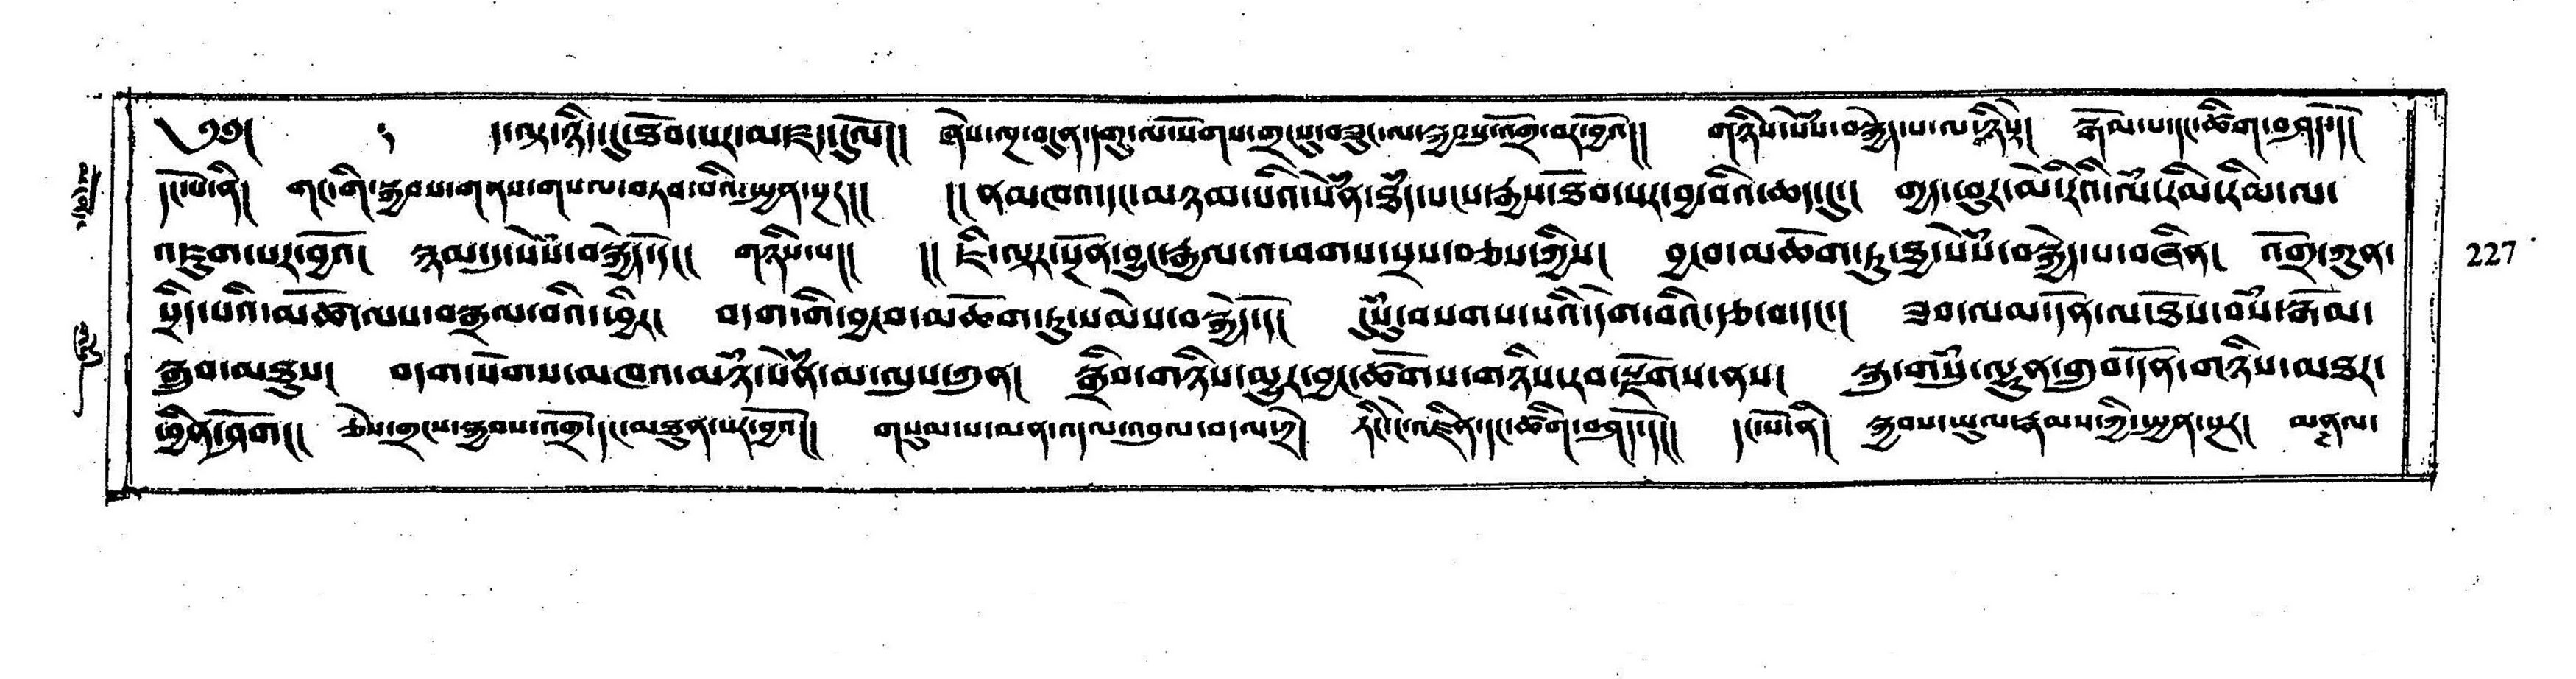ད་ལྟ་ཉིད་དུ་ཐོབ་པར་མཛད་དུ་གསོལ། ཞེས་ལྔ་བདུན་དགུ་ལ་སོགས་གྲངས་སུ་བཟུང་ལ་སྐྱབས་སུ་འགྲོ་བར་བྱའོ།། གཉིས་སེམས་བསྐྱེད་པ་ལ་གཉིས་ཏེ། སྒོམ་པ་དང་ཚིག་བཤད་དོ། 
དང་པོ་ནི། གང་གི་སྐྱབས་གནས་གསལ་བཏབ་པའི་སྤྱན་སྔར།། །།ནམ་མཁའ་དང་མཉམ་པའི་སེམས་ཅན་ཐམས་ཅད་སངས་རྒྱས་ཐོབ་པར་བྱ་བའི་ཆེད་དུ། གྱད་ཕུར་མེ་རིའི་ལམ་རིམ་ལ་
འཇུག་པར་བྱའོ། སྙམ་དུ་སེམས་བསྐྱེད་དོ།། གཉིས་པ།། །།ཇི་ལྟར་སྔོན་བྱུང་རྒྱལ་འཕགས་སྲས་བཅས་ཀྱིས། བྱང་ཆུབ་མཆོག་ཏུ་ཐུགས་སེམས་བསྐྱེད་པ་བཞིན། འགྲོ་ཀུན་
སྲིད་པའི་མཚོ་ལས་བསྒྲལ་བའི་ཕྱིར། བདག་གི་བྱང་ཆུབ་མཆོག་ཏུ་སེམས་བསྐྱེད་དོ། དུས་གསུམ་བསགས་པའི་དགེ་བའི་རྩ་བ་དང་། ཟབ་ལམ་དོན་ལ་ཐོས་བསམ་སྒོམ་
སྒྲུབ་མཐུས། བདག་སོགས་མཁའ་མཉམ་སེམས་ཅན་མ་ལུས་ཀུན། སྒྲིབ་གཉིས་མྱུར་བྱང་ཚོགས་གཉིས་རབ་རྫོགས་ནས། སྐུ་གསུམ་ལྷུན་གྲུབ་དོན་གཉིས་མཐར་
ཕྱིན་ཤོག ཅེས་གྲངས་སྐྱབས་འགྲོ་དང་མཐུན་པར་བྱའོ།། གསུམ་པ་མན་འདལ་འབུལ་བ་ལ་གཉིས་ཏེ། ཏིང་ངེ་འཛིན་དང་ཚིག་བཤད་དོ།། དང་པོ་ནི། སྐྱབས་ཡུལ་རྣམས་ཀྱི་སྤྱན་སྔར། མནྚལ་